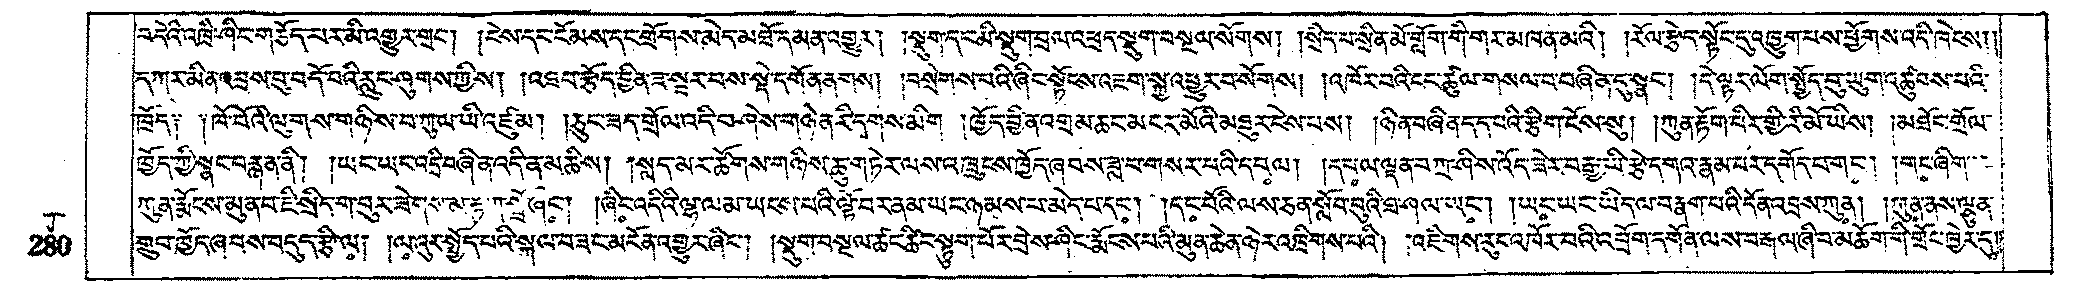བདེའི་འཁྲི་ཤིང་གཅོད་པར་མི་འགྱུར་གྲང་། །ངེས་དང་ངོམས་དང་གྲོགས་མེད་མཐོ་དམན་འགྱུར། །སྡུག་དང་མི་སྡུག་བྲལ་འཕྲད་སྡུག་བསྔལ་སོགས། །སྲིད་པ་སྲིན་མོ་གློག་གི་གར་མཁན་མའི། །རོལ་རྩེད་སྟོང་དུ་འཁྱུག་པས་ཕྱོགས་འདི་ཁེངས། །
དཀར་མིན་འབྲས་བུ་བདོ་པའི་རླུང་ཤུགས་ཀྱིས། །འཐབ་རྩོད་བྱིན་ཟ་སྦར་བས་སྡེ་དགོན་ནགས། །བསྲེགས་པའི་ཞིང་སྟོངས་འཇག་སྐྱ་འཕྱུར་བ་སོགས། །འཁོར་བའི་ངང་ཚུལ་གསལ་བ་བཞིན་དུ་སྣང་། །དེ་ལྟར་ལོག་སྤྱོད་བུ་ཡུག་འཚུབས་པའི་
ཁྲོད༑ ༑ཁོ་བོའི་ལུགས་གཉིས་བ་ཀུ་ལ་ཡི་འཛུམ། །ཅུང་ཟད་གྲོལ་འདི་བཤེས་གཉེན་རི་དྭགས་མིག །ཁྱོད་བྱིན་འགྲམ་ཆང་མངར་མོའི་མཐུར་ངེས་པས། །ཉིན་བཞིན་དད་པའི་རྩིག་ངོས་སུ། །ཀུན་རྟོག་པིར་གྱི་རི་མོ་ཡིས། །མཐོང་གྲོལ་
ཁྱོད་ཀྱི་སྣང་བརྙན་ནི། །ཡང་ཡང་འདྲི་བཞིན་འདི་ན་མཆིས། །སླད་མར་ཚོགས་གཉིས་ཆུ་གཏེར་ལས་འཁྲུངས་ཁྱོད་ཞབས་ཟླ་བ་གསར་པའི་དཔལ྾། །དཔལ྾་ལྡན་བཀྲ་ཤིས་འོད་ཟེར་བརྒྱ་ཡི་རྩེ་དགའ་རྣམ་པར་དགོད་པ་གང྾། །གང྾་ཞིག་་་
ཀུན་རྨོངས་མུན་པ་ཇི་སྲིད་ག་བུར་ཟེགས་མ་རྟག་སྤྲོ་ཞིང྾། །ཞིང྾་འདིའི་ལྷ་ལམ་ཡངས་པའི་ལྟོ་བར་ནམ་ཡང་ཉམས་པ་མེད་པ་དང྾། །དང྾་པོའི་ལས་ཅན་སློབ་བུའི་ཐ་ཤལ་ཡང྾། །ཡང྾་ཡང་ཡིད་ལ་བརྣག་པའི་དོན་འབྲས་ཀུན྾། །ཀུན྾་ནས་ལྷུན་
གྲུབ་ཁྱོད་ཞབས་བདུད་རྩི་ལ྾། །ལ྾་འུར་སྤྱོད་པའི་སྐལ་བཟང་མངོན་འགྱུར་ཞིང་། །སྡུག་བསྔལ་ཚང་ཚིང་སྟུག་པོར་བྲེས་ཤིང་རྨོངས་པའི་མུན་ཆེན་ཉེར་འཁྲིགས་པའི། །འཇིགས་རུང་འཁོར་བའི་འབྲོག་དགོན་ལས་བརྒལ་ཞི་བ་མཆོག་གི་གྲོང་ཁྱེར་དུ།